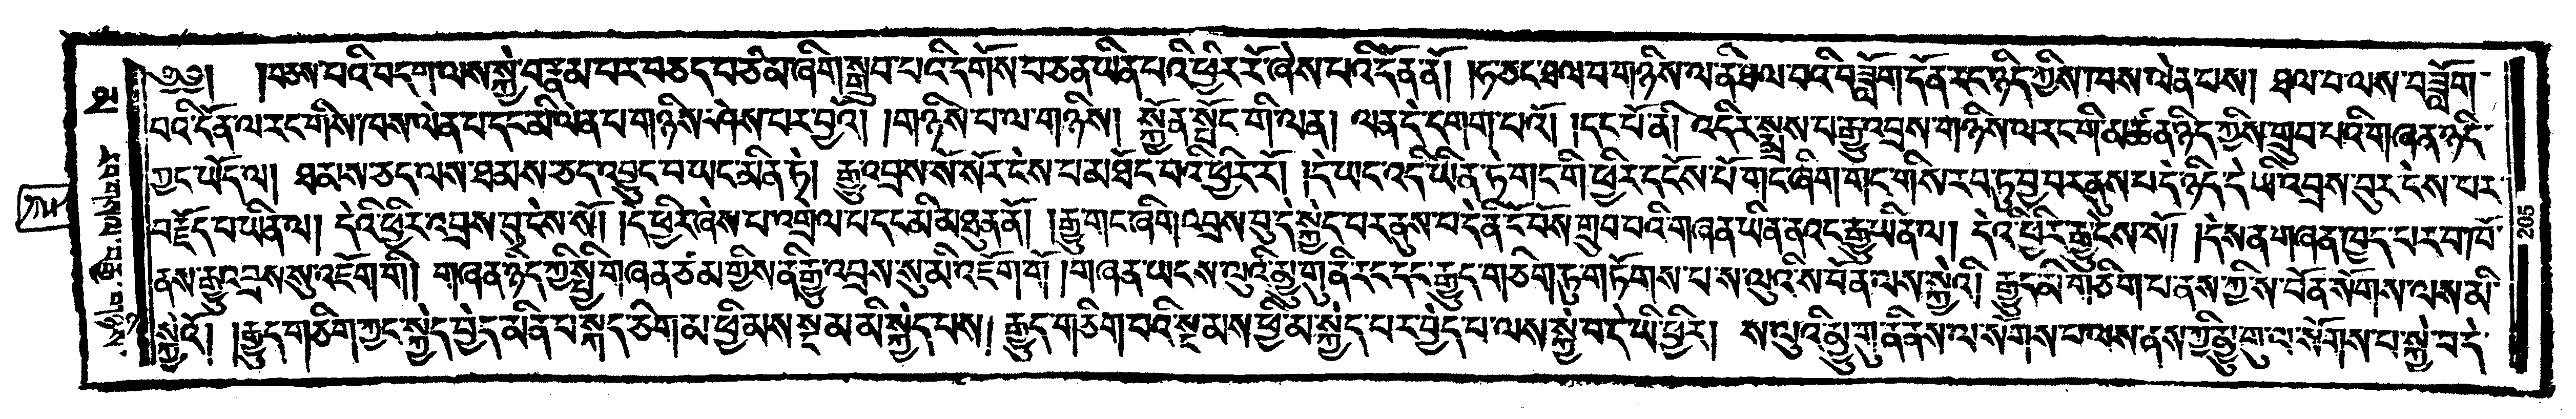༄༅། །བཅས་པའི་བདག་ལས་སྐྱེ་བ་རྣམ་པར་བཅད་པ་ཙམ་ཞིག་སྒྲུབ་པའི་དགོས་པ་ཅན་ཡིན་པའི་ཕྱིར་རོ་ཞེས་པའི་དོན་ནོ། །ཧ་ཅང་ཐལ་བ་གཉིས་ལ་ནི་ཐལ་བའི་བཟློག་དོན་རང་ཉིད་ཀྱིས་ཁས་ལེན་པས། ཐལ་བ་ལས་བཟློག་
པའི་དོན་ལ་རང་གིས་ཁས་ལེན་པ་དང་མི་ལེན་པ་གཉིས་ཤེས་པར་བྱའོ། །གཉིས་པ་ལ་གཉིས། སྐྱོན་སྤོང་གི་ལན། ལན་དེ་དགག་པའོ། །དང་པོ་ནི། འདིར་སྨྲས་པ་རྒྱུ་འབྲས་གཉིས་ལ་རང་གི་མཚན་ཉིད་ཀྱིས་གྲུབ་པའི་གཞན་ཉིད་
ཀྱང་ཡོད་ལ། ཐམས་ཅད་ལས་ཐམས་ཅད་འབྱུང་བ་ཡང་མིན་ཏེ། རྒྱུ་འབྲས་སོ་སོར་ངེས་པ་མཐོང་བའི་ཕྱིར་རོ། །དེ་ཡང་འདི་ཡིན་ཏེ་གང་གི་ཕྱིར་དངོས་པོ་གང་ཞིག་གང་གིས་རབ་ཏུ་བྱ་བར་ནུས་པ་དེ་ཉིད་དེ་ཡི་འབྲས་བུར་ངེས་པར་
བརྗོད་པ་ཡིན་ལ། དེའི་ཕྱིར་འབྲས་བུ་ངེས་སོ། །དེ་ཕྱིར་ཞེས་པ་འགྲེལ་པ་དང་མི་མཐུན་ནོ། །རྒྱུ་གང་ཞིག་འབྲས་བུ་དེ་སྐྱེད་པར་ནུས་པ་དེ་ནི་ངོ་བོས་གྲུབ་པའི་གཞན་ཡིན་ནའང་རྒྱུ་ཡིན་ལ། དེའི་ཕྱིར་རྒྱུ་ངེས་སོ། །དེས་ན་གཞན་ཁྱད་པར་བ་ཁོ་
ནས་རྒྱུ་འབྲས་སུ་འཇོག་གི །གཞན་ཉིད་ཀྱི་སྤྱི་གཞན་ཙམ་གྱིས་ནི་རྒྱུ་འབྲས་སུ་མི་འཇོག་གོ །གཞན་ཡང་ས་ལུའི་མྱུ་གུ་ནི་རང་དང་རྒྱུད་གཅིག་ཏུ་གཏོགས་པ་ས་ལུའི་ས་བོན་ལས་སྐྱེའི། རྒྱུད་མི་གཅིག་པ་ནས་ཀྱི་ས་བོན་སོགས་ལས་མི་
སྐྱེའོ། །རྒྱུད་གཅིག་ཀྱང་སྐྱེད་བྱེད་མིན་བ་སྐད་ཅིག་མ་ཕྱི་མས་སྔ་མ་མི་སྐྱེད་པས། རྒྱུད་གཅིག་པའི་སྔ་མས་ཕྱི་མ་སྐྱེད་པར་བྱེད་པ་ལས་སྐྱེ་བ་དེ་ཡི་ཕྱིར། ས་ལུའི་མྱུ་གུ་ནི་ནས་ལ་སོགས་པ་ལས་ནས་ཀྱི་མྱུ་གུ་ལ་སོགས་པ་སྐྱེ་བ་དེ་